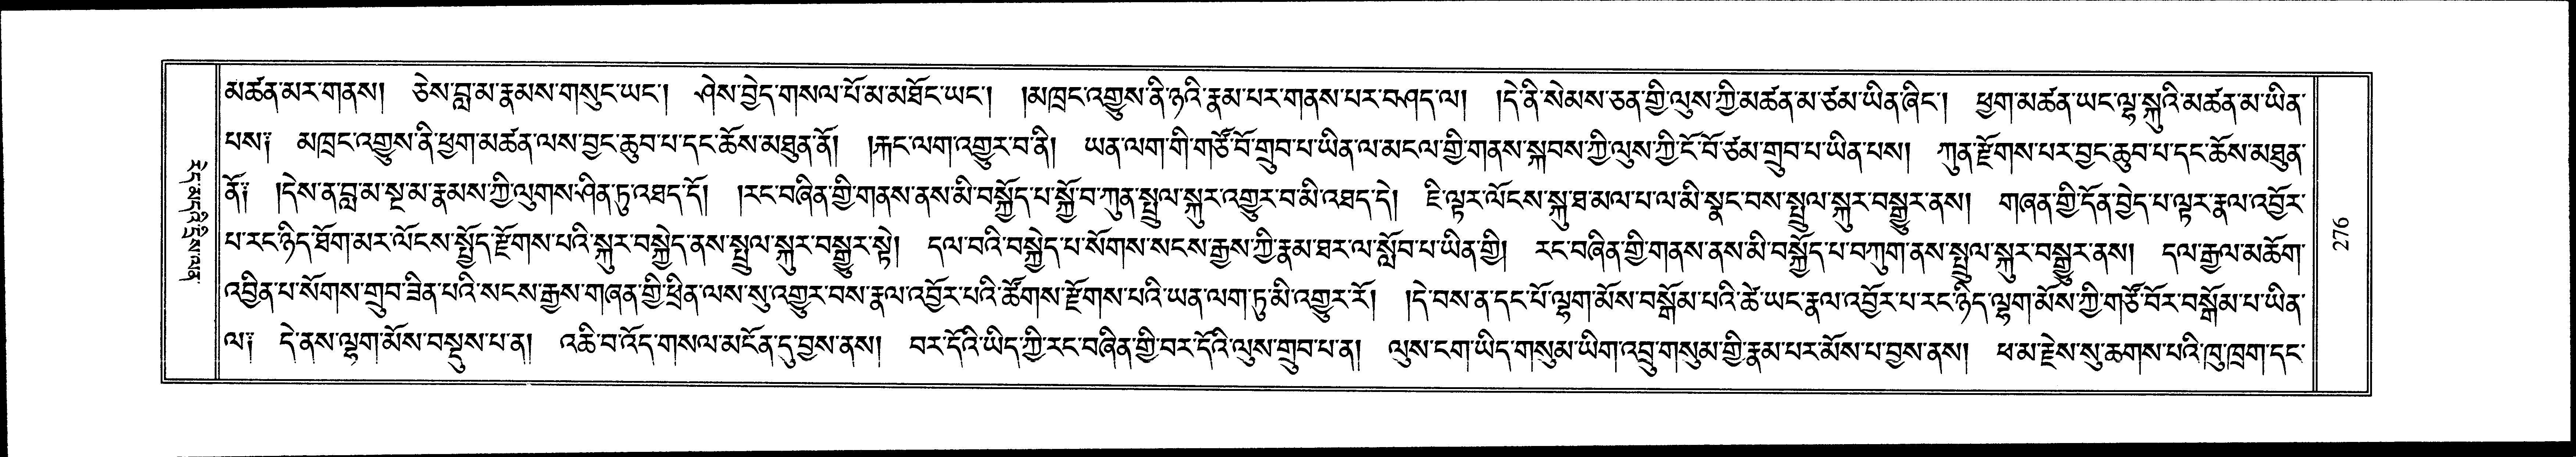མཚན་མར་གནས། ཅེས་བླ་མ་རྣམས་གསུང་ཡང་། ཤེས་བྱེད་གསལ་པོ་མ་མཐོང་ཡང་། །མཁྲང་འགྱུས་ནི་ཉའི་རྣམ་པར་གནས་པར་བཤད་ལ། །དེ་ནི་སེམས་ཅན་གྱི་ལུས་ཀྱི་མཚན་མ་ཙམ་ཡིན་ཞིང་། ཕྱག་མཚན་ཡང་ལྷ་སྐུའི་མཚན་མ་ཡིན་
པས། མཁྲང་འགྱུས་ནི་ཕྱག་མཚན་ལས་བྱང་ཆུབ་པ་དང་ཆོས་མཐུན་ནོ། །རྐང་ལག་འགྱུར་བ་ནི། ཡན་ལག་གི་གཙོ་བོ་གྲུབ་པ་ཡིན་ལ་མངལ་གྱི་གནས་སྐབས་ཀྱི་ལུས་ཀྱི་ངོ་བོ་ཙམ་གྲུབ་པ་ཡིན་པས། ཀུན་རྫོགས་པར་བྱང་ཆུབ་པ་དང་ཆོས་མཐུན་
ནོ། །དེས་ན་བླ་མ་སྔ་མ་རྣམས་ཀྱི་ལུགས་ཤིན་ཏུ་འཐད་དོ། །རང་བཞིན་གྱི་གནས་ནས་མི་བསྐྱོད་པ་སྐྱོ་བ་ཀུན་སྤྲུལ་སྐུར་འགྱུར་བ་མི་འཐད་དེ། ཇི་ལྟར་ལོངས་སྐུ་ཐ་མལ་པ་ལ་མི་སྣང་བས་སྤྲུལ་སྐུར་བསྒྱུར་ནས། གཞན་གྱི་དོན་བྱེད་པ་ལྟར་རྣལ་འབྱོར་
པ་རང་ཉིད་ཐོག་མར་ལོངས་སྤྱོད་རྫོགས་པའི་སྐུར་བསྐྱེད་ནས་སྤྲུལ་སྐུར་བསྒྱུར་སྟེ། དལ་བའི་བསྐྱེད་པ་སོགས་སངས་རྒྱས་ཀྱི་རྣམ་ཐར་ལ་སློབ་པ་ཡིན་གྱི། རང་བཞིན་གྱི་གནས་ནས་མི་བསྐྱོད་པ་བཀུག་ནས་སྤྲུལ་སྐུར་བསྒྱུར་ནས། དལ་རྒྱལ་མཆོག་
འབྱིན་པ་སོགས་གྲུབ་ཟིན་པའི་སངས་རྒྱས་གཞན་གྱི་ཕྲིན་ལས་སུ་འགྱུར་བས་རྣལ་འབྱོར་པའི་ཚོགས་རྫོགས་པའི་ཡན་ལག་ཏུ་མི་འགྱུར་རོ། །དེ་བས་ན་དང་པོ་ལྷག་མོས་བསྒོམ་པའི་ཚེ་ཡང་རྣལ་འབྱོར་པ་རང་ཉིད་ལྷག་མོས་ཀྱི་གཙོ་བོར་བསྒོམ་པ་ཡིན་
ལ། དེ་ནས་ལྷག་མོས་བསྡུས་པ་ན། འཆི་བ་འོད་གསལ་མངོན་དུ་བྱས་ནས། བར་དོའི་ཡིད་ཀྱི་རང་བཞིན་གྱི་བར་དོའི་ལུས་གྲུབ་པ་ན། ལུས་ངག་ཡིད་གསུམ་ཡིག་འབྲུ་གསུམ་གྱི་རྣམ་པར་མོས་པ་བྱས་ནས། ཕ་མ་རྗེས་སུ་ཆགས་པའི་ཁུ་ཁྲག་དང་